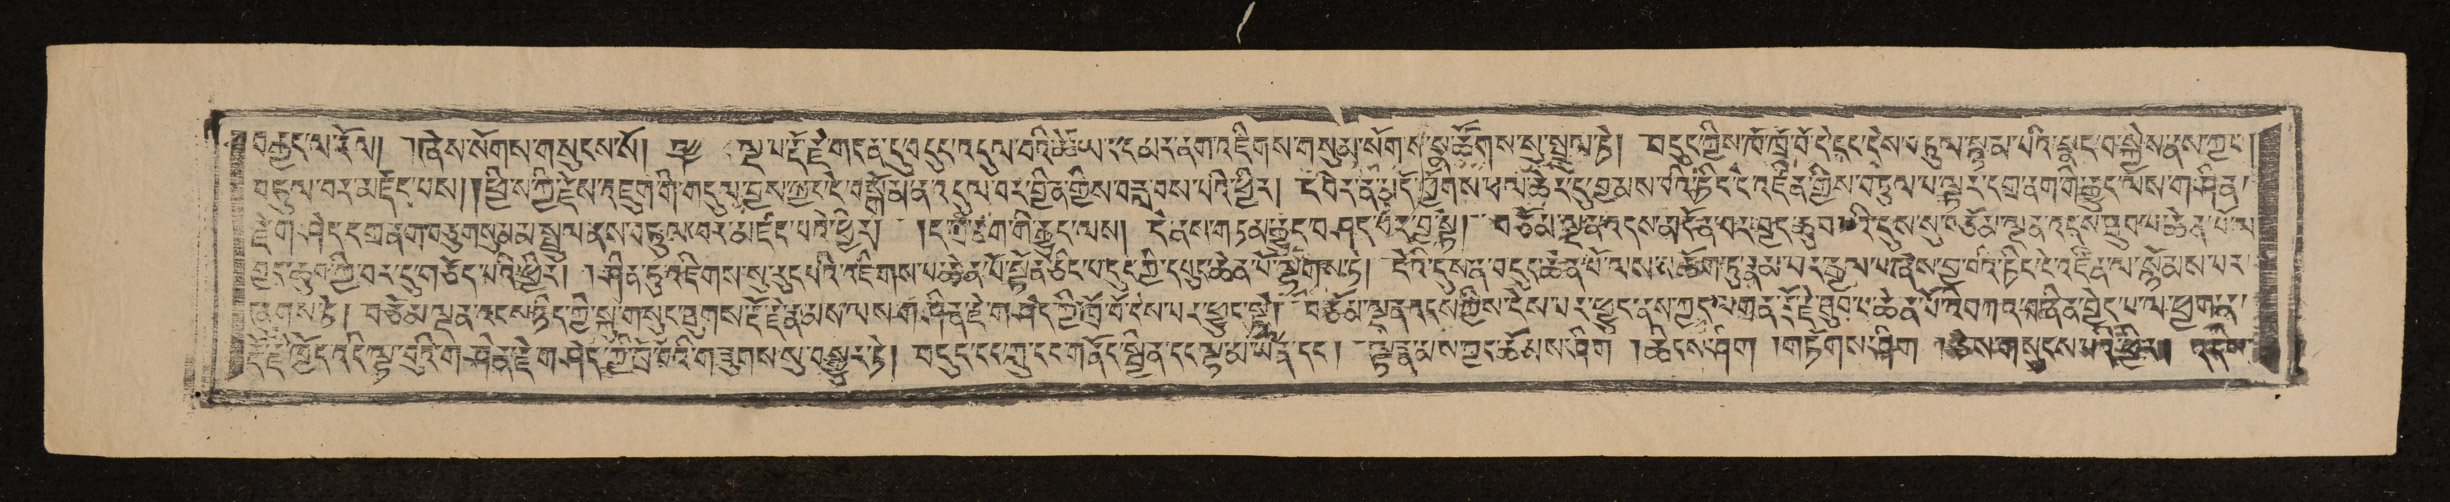བརྒྱད་ལ་རོལ། །ཞེས་སོགས་གསུངས་སོ། ༈ །ལྔ་པ་རྡོ་རྗེ་གདན་དུ་བདུད་འདུལ་བའི་ཚེ་ཡང་དམར་ནག་འཇིགས་གསུམ་སོགས་སྣ་ཚོགས་སུ་སྤྲུལ་ཏེ། བདུད་ཀྱིས་ཁོ་ཁྲོ་བོ་དེ་དང་དེས་བཏུལ་སྙམ་པའི་སྣང་བ་སྐྱེས་ནས་ཀྱང་
བཏུལ་བར་མཛད་པས། ཕྱིས་ཀྱི་རྗེས་འཇུག་གི་གདུལ་བྱས་ཀྱང་དེ་བསྒོམ་ན་འདུལ་བར་བྱིན་གྱིས་བརླབས་པའི་ཕྱིར། དཔེར་ན་མདོ་ཕྱོགས་ཕལ་ཆེར་དུ་བྱམས་པའི་ཏིང་ངེ་འཛིན་གྱིས་བཏུལ་བ་ལྟར་དགྲ་ནག་གི་རྒྱུད་ལས་གཤིན་
རྗེ་གཤེད་དགྲ་ནག་བཅུ་གསུམ་མ་སྤྲུལ་ནས་བཏུལ་བར་མཛད་པའི་ཕྱིར། དགྲ་ནག་གི་རྒྱུད་ལས། དེ་ནས་གཏམ་རྒྱུད་བཤད་པར་བྱ་སྟེ། བཅོམ་ལྡན་འདས་མངོན་པར་བྱང་ཆུབ་པའི་དུས་སུ་བཅོམ་ལྡན་འདས་ཐུབ་པ་ཆེན་པོ་ལ་
བྱང་ཆུབ་ཀྱི་བར་དུ་གཅོད་པའི་ཕྱིར། ཤིན་ཏུ་འཇིགས་སུ་རུང་བའི་འཇིགས་པ་ཆེན་པོ་སྟོན་ཅིང་བདུད་ཀྱི་དབུང་ཆེན་པོ་ལྷགས་ཏེ། དེའི་དུས་ན་བདུད་ཆེན་པོ་ལས་མཆོག་ཏུ་རྣམ་པར་རྒྱལ་བ་ཞེས་བྱ་བའི་ཏིང་ངེ་འཛིན་ལ་སྙོམས་པར་
ཞུགས་ཏེ། བཅོམ་ལྡན་འདས་ཉིད་ཀྱི་སྐུ་གསུང་ཐུགས་རྡོ་རྗེ་རྣམས་ལས་གཤིན་རྗེ་གཤེད་ཀྱི་ཁྲོ་བོ་ངེས་པར་ཕྱུང་སྟེ། བཅོམ་ལྡན་འདས་ཀྱིས་ངེས་པར་ཕྱུང་ནས་ཀྱང་ལག་ན་རྡོ་རྗེ་ཐུབ་པ་ཆེན་པོའི་བཀའ་བཞིན་བྱེད་པ་ལ་ཕྱག་ན་
རྡོ་རྗེ་ཁྱོད་འདི་ལྟ་བུའི་གཤིན་རྗེ་གཤེད་ཀྱི་ཁྲོ་བོའི་གཟུགས་སུ་བསྒྱུར་ཏེ། བདུད་དང་ཀླུ་དང་གནོད་སྦྱིན་དང་ལྷ་མ་ཡིན་དང་། ལྷ་རྣམས་ཀྱང་ཆོམས་ཤིག །ཆིངས་ཤིག །གཏོགས་ཤིག །ཅེས་གསུངས་པའི་ཕྱིར། འདིས་